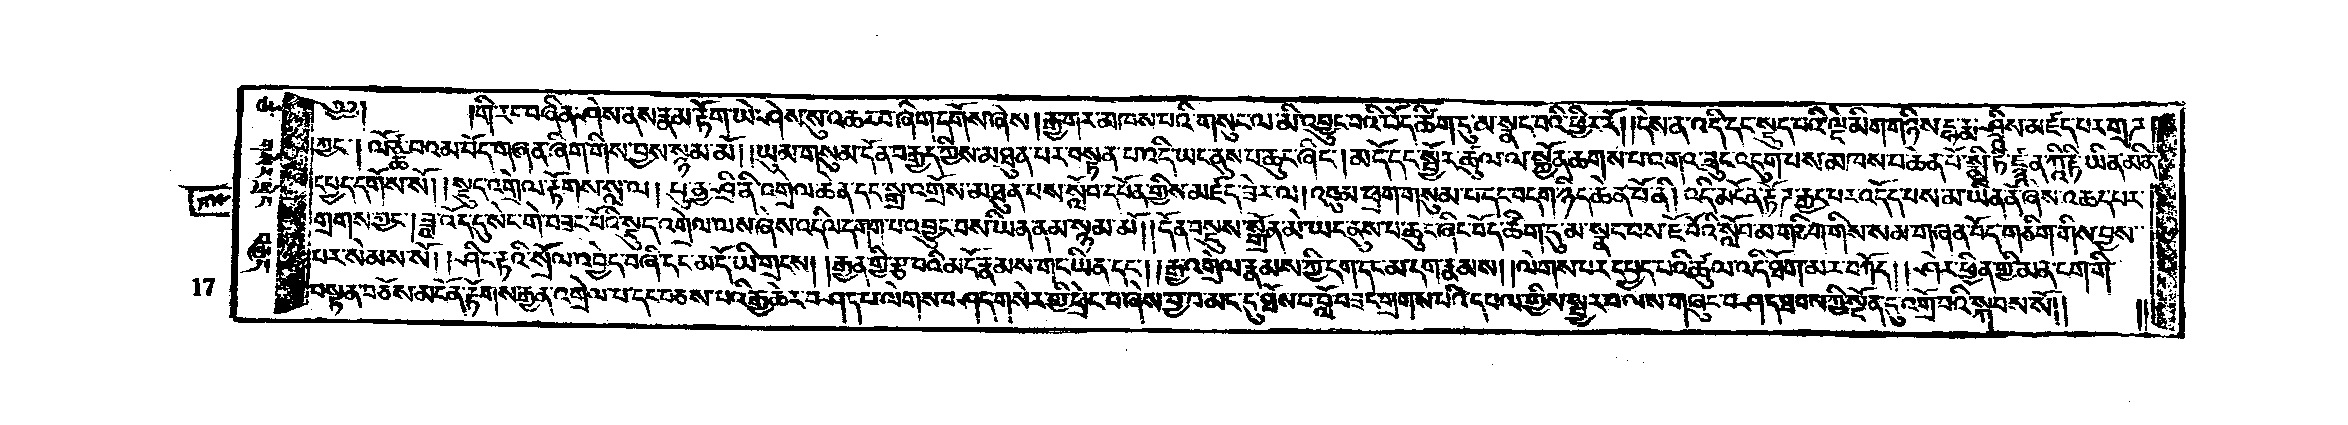༄༅། །གི་རང་བཞིན་ཤེས་ནས་རྣམ་རྟོག་ཡེ་ཤེས་སུ་འཆར་བ་ཞིག་དགོས་ཞེས། རྒྱ་གར་མཁས་པའི་གསུང་ལ་མི་འབྱུང་བའི་བོད་ཚིག་དུ་མ་སྣང་བའི་ཕྱིར་རོ། །དེས་ན་འདི་དང་སྡུད་པའི་ལྡེ་མིག་གཉིས་དྷ་རྨ་ཤྲཱིས་མཛད་པར་གྲགས་
ཀྱང་། ལོ་ཙྪ་བའམ་བོད་གཞན་ཞིག་གིས་བྱས་སྙམ་མོ། །ཡུམ་གསུམ་དོན་བརྒྱད་ཀྱིས་མཐུན་པར་བསྟན་པ་འདི་ཡང་ནུས་པ་ཆུང་ཞིང་། མདོ་དང་སྦྱོར་ཚུལ་ལ་སྐྱོན་ཆགས་པ་འགའ་ཟུང་འདུག་པས་མཁས་པ་ཆེན་པོ་སྨྲི་ཏི་ཛྙཱ་ན་ཀཱི་རྟི་ཡིན་མིན་
དཔྱད་དགོས་སོ། །སྡུད་འགྲེལ་རྟོགས་སླ་ལ། པུ་ཉ་ཤྲི་ནི་འགྲེལ་ཆེན་དང་སྒྲ་འགྲོས་མཐུན་པས་སློབ་དཔོན་གྱིས་མཛད་ཟེར་ལ། འབུམ་ཕྲག་གསུམ་པ་དང་བདག་ཉིད་ཆེན་པོ་ནི། འདི་མངོན་རྟོགས་རྐྱང་པར་འདོད་པས་མ་ཡིན་ནོ་ཞེས་འཆད་པར་
གྲགས་ཀྱང་། ཟླ་འོད་དུ་སེང་གེ་བཟང་པོའི་སྡུད་འགྲེལ་ལས་ཞེས་འདི་ལ་དགག་པ་འབྱུང་བས་ཡིན་ནམ་སྙམ་མོ། །དོན་བསྡུས་སྒྲོན་མེ་ཡང་ནུས་པ་ཆུང་ཞིང་བོད་ཚིག་དུ་མ་སྣང་བས་ཇོ་བོའི་སློབ་མ་གཅིག་གིས་སམ་གཞན་བོད་གཅིག་གིས་བྱས་
པར་སེམས་སོ། །ཤིང་རྟའི་སྲོལ་འབྱེད་བཞི་དང་མདོ་ཡི་གྲངས། །རྒྱན་གྱི་རྩ་བའི་མདོ་རྣམས་གང་ཡིན་དང་། །རྒྱ་འགྲེལ་རྣམས་ཀྱི་དག་དང་མ་དག་རྣམས། །ལེགས་པར་དཔྱད་པའི་ཚུལ་འདི་ཐོག་མར་བཀོད། །ཤེར་ཕྱིན་གྱི་མན་ངག་གི་
བསྟན་བཅོས་མངོན་རྟོགས་རྒྱན་འགྲེལ་པ་དང་བཅས་པའི་རྒྱ་ཆེར་བཤད་པ་ལེགས་བཤད་གསེར་གྱི་ཕྲེང་བ་ཞེས་བྱ་བ་མང་དུ་ཐོས་པ་བློ་བཟང་གྲགས་པའི་དཔལ་གྱིས་སྦྱར་བ་ལས་གཞུང་བཤད་ཐབས་ཀྱི་སྔོན་དུ་འགྲོ་བའི་སྐབས་སོ།། །།